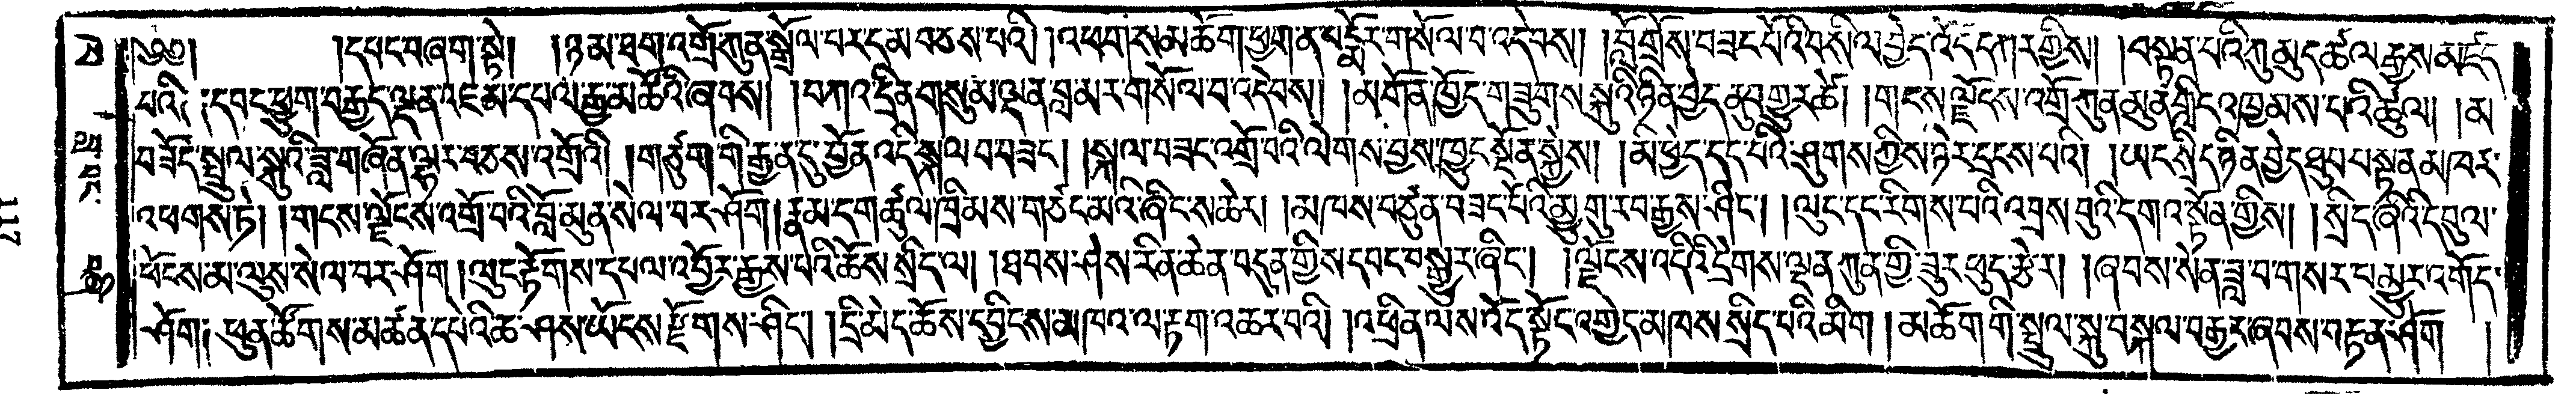༄༅། །དཔང་བཞག་སྟེ། །ཉམ་ཐག་འགྲོ་ཀུན་སྒྲོལ་པར་དམ་བཅས་པའི། །འཕགས་མཆོག་ཕྱག་ན་པདམོར་གསོལ་བ་འདེབས། །བློ་གྲོས་བཟང་པོའི་བསིལ་བྱེད་འོད་དཀར་གྱིས། །བསྟན་པའི་ཀུ་མུ་ད་ཚལ་རྒྱས་མཛད་
པའི༑ ༑དབང་ཕྱུག་བརྒྱད་ལྔན་འཇམ་དཔལ་རྒྱ་མཚོའི་ཞབས། །བཀའ་དྲིན་གསུམ་ལྡན་བླ་མར་གསོལ་བ་འདེབས། །མགོན་ཁྱོད་གཟུགས་སྐུའི་ཉིན་བྱེད་ནུབ་གྱུར་ཚེ། །གངས་ལྗོངས་འགྲོ་ཀུན་མུན་གླིང་འཁྱམས་པའི་ཚུལ། །མ་
བཟོད་སྤྲུལ་སྐུའི་ཟླ་གཞོན་ལྷར་བཅས་འགྲོའོ། །གཙུག་གི་རྒྱན་དུ་བྱོན་འདི་སྐལ་བཟང་། །སྐལ་བཟང་འགྲོ་བའི་ལེགས་བྱས་ཁྱུང་སྔོན་སྐྱེས། །མི་ཕྱེད་དད་པའི་ཤུགས་ཀྱི་ཉེར་དྲངས་པའི། །ཡང་སྲིད་ཉིན་བྱེད་ཐུབ་བསྟན་མཁར་
འཕགས་ཏེ། །གངས་ལྗོངས་འགྲོ་བའི་བློ་མུན་སེལ་བར་ཤོག །རྣམ་དག་ཚུལ་ཁྲིམས་གཙང་མའི་ཞིང་ས་ཆེར། །མཁས་བཙུན་བཟང་པོའི་མྱུ་གུ་རབ་རྒྱས་ཤིང་། །ལུང་དང་རིགས་པའི་འབྲས་བུའི་དགའ་སྟོན་གྱིས། །སྲིད་ཞིའི་དབུལ་
ཕོངས་མ་ལུས་སེལ་བར་ཤོག །ལུང་རྟོགས་དཔལ་འབྱོར་རྒྱས་པའི་ཆོས་སྲིད་ལ། །ཐབས་ཤེས་རིན་ཆེན་བདུན་གྱིས་དབང་བསྒྱུར་ཞིང་། །ལྗོངས་འདིའི་དྲེགས་ལྡན་ཀུན་གྱི་ཟུར་ཕུད་རྩེར། །ཞབས་སེན་ཟླ་བ་གསར་པ་མྱུར་འགོད་
ཤོག༑ ཕུན་ཚོགས་མཚན་དཔའི་ཆ་ཤས་ཡོངས་རྫོགས་ཤིང་། །དྲི་མེད་ཆོས་དབྱིངས་མཁའ་ལ་རྟག་འཆར་བའི། །འཕྲིན་ལས་འོད་སྟོང་འགྱེད་མཁས་སྲིད་པའི་མིག །མཆོག་གི་སྤྲུལ་སྐུ་བསྐལ་བརྒྱར་ཞབས་བརྟན་ཤོག །